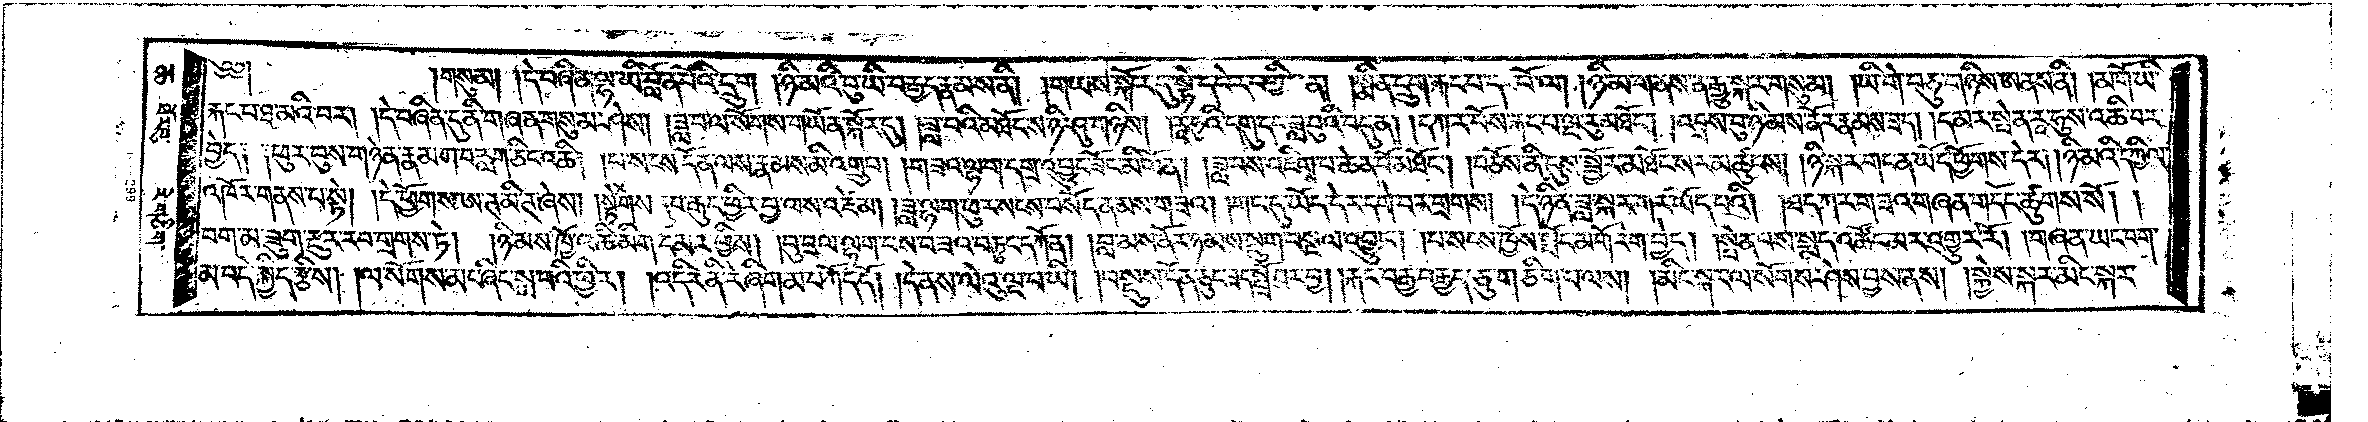༄༅། །གསུམ། །དེ་བཞིན་ལྷ་ཡི་བློན་པོའི་དྲུག། །ཉི་མའི་བུ་ཡི་བརྒྱད་རྣམས་ནི། །གཡས་སྐོར་དུ་སྟེ་དཔར་བགྱིས་ན། །སྨིན་དྲུག་རྐང་བ་དང་པོ་ལ། །ཉི་མ་གནས་ན་རྒྱུ་སྐར་གསུམ། ཡི་གེ་བཅུ་གཉིས་པ་ནས་ནི། །མགོ་ཡི་
རྐང་པ་ཐ་མའི་བར། །དེ་བཞིན་དུ་ནི་གཞན་གསུམ་ཤེས། །ཟླ་བ་ལ་སོགས་གཡོན་སྐོར་དུ། །ཟླ་བའི་མཐོང་ས་ཉི་ཤུ་གཉིས། །རཱ་ཧུའི་དགུ་དང་ཟླ་བུའི་བདུན། །དཀར་པོས་རྐང་པ་ལྔ་ཨུ་མཐོང་། །འབྲས་བུ་ཉི་མས་ནོར་རྣམས་ཟད། །དམར་སྤེན་རཱ་ཧུས་འཆི་བར་
བྱེད༑ ༑ཕུར་བུས་གཉེན་རྣམ་ག་བརླག་ཅིང་འཆི། །པ་སངས་དོན་ལས་རྣམས་མི་འགྲུབ། །གཟའ་ལྷག་དགྲ་འབྱུང་ཟོང་མི་ལོན། །ཟླ་བས་འཇིགས་པ་ཆེན་པོ་མཐོང་། །བཅོས་ནི་དུས་སྦྱོར་མཐོང་སར་མཚུངས། །ཉི་སྐར་གང་ན་ཡོད་ཕྱོགས་དེར། །ཉི་མའི་དཀྱིལ་
འཁོར་གནས་པ་སྟེ། །དེ་ཕྱོགས་ཨ་ཊ་མི་ཊ་ཞེས། །སྟེགས་ནུབ་རྒུད་ཕྱིར་བྱ་ལས་འཛེ་མ། །ཟླ་ལྷག་ཕུར་སངས་བསོད་རྣམས་གཟའ། །གང་དུ་ཡོད་དེར་དགེ་བར་གྲགས། །དེ་ཉིན་ཟླ་སྐར་གར་ཡོད་པའི། །ཐད་ཀར་གཟའ་གཞན་གདོང་ཚུགས་སོ། །
བག་མ་ཟུག་རྔུར་རབ་གྲགས་ཏེ། །ཉི་མས་ཁྱོ་འཆི་མིག་དམར་ཕྱིས། །བུ་བྲལ་ལྷག་པས་བཟའ་བཏུང་དཀོན། །བླ་མས་ནོར་ཉམས་སྡུག་བསྔལ་འབྱུང་། །པ་སངས་ཁྱོད་སྤོང་མགོ་རེག་བྱེད། །སྤེན་པས་སྨད་འཚོང་མར་འགྱུར་རོ། །གཞན་ཡང་བག་
མ་བདེ་སྐྱིད་རྩིས། །ལ་སོགས་མང་ཞིང་སླ་བའི་ཕྱིར། །འདིར་ནི་རེ་ཞིག་མ་བཀོད་དོ། །དེ་ནས་ལེའུ་ལྔ་པ་ཡི། །བསྡུས་དོན་ཅུང་ཟད་སྤྲོ་བར་བྱ། །རྐང་བརྒྱ་བརྒྱད་ཅུ་གཅིག་པ་ལས། །མིང་སྐར་ལ་སོགས་ཤེས་བྱས་ནས། །སྐྱེས་སྐར་མིང་སྐར་